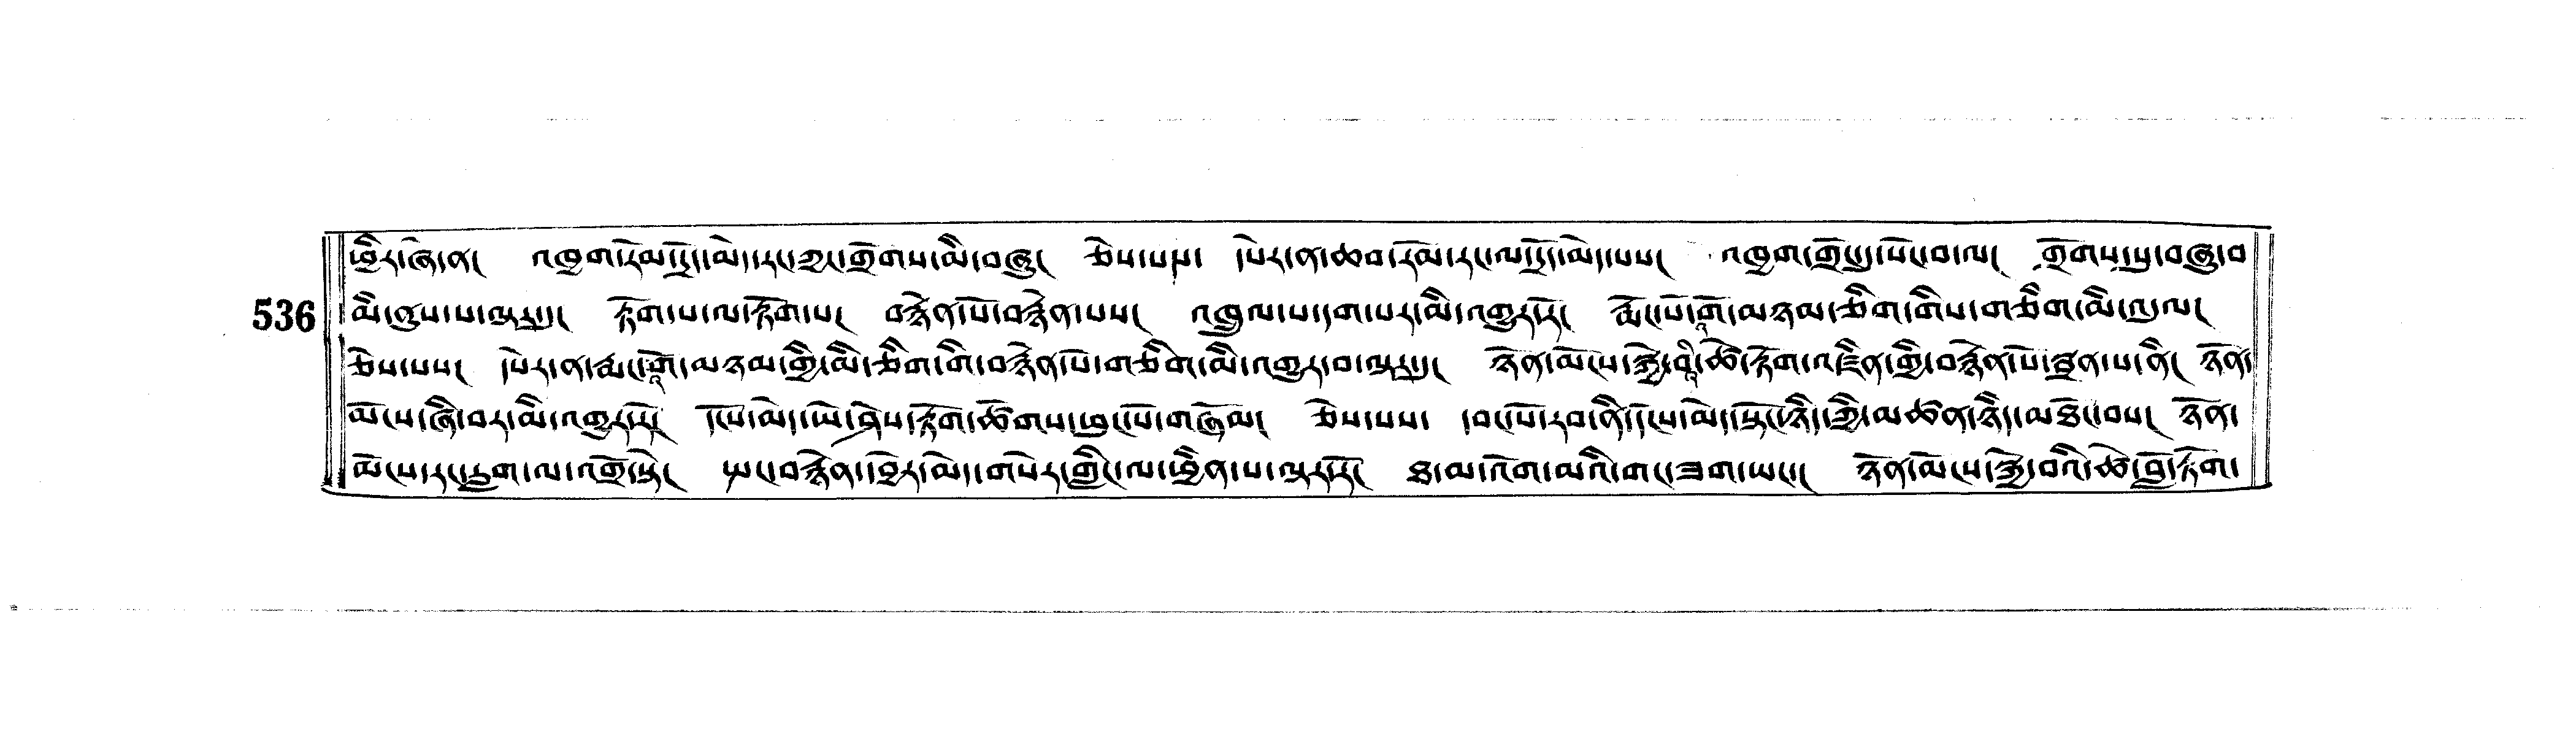ཕྱིར་ཞེ་ན། འཁྱག་རོམ་དྲོད་མེད་རང་ཀྱང་གྲོགས་མི་བཞུ། ཅེས་པས། དཔེར་ན་ཆབ་རོམ་རང་ལ་དྲོད་མེད་པས། འཁྱགས་གྲོང་དུ་སོང་བ་ལ། གྲོགས་སུ་བཞུ་བ་
མི་ནུས་པ་ལྟར་དུ། རྟོག་པ་ལ་རྟོག་ལ། གཉེན་པོ་ལ་གཉེན་པོས་འཁྲུལ་པ་དག་པར་མི་འགྱུར་རོ། རྨོངས་པོ་འགོ་མཉམ་གཅིག་གིས་གཅིག་མིའདུལ། 
ཅེས་པས། དཔེར་ན་རྨོངས་འགོ་མཉམ་གྱི་མི་གཅིག་གིས་གཉེན་པོ་གཅིག་མི་འགྱུར་བ་ལྟར་དུ། ཉོན་མོངས་སྐྱེས་པའི་ཚེ་རྟོག་འཛིན་གྱི་གཉེན་པོ་སྦྲན་པ་ནི་ཉོན་
མོངས་ཞྀ་བར་མི་འགྱུར་རོ། དངོས་མེད་ཡེ་ཤེས་རྟོག་ཚོགས་ཕུང་པོ་གཞོམ། ཅེས་པས། དབང་པོ་རབ་ནི་དངོས་མེད་སྟོང་ཉིད་ཀྱི་མཚན་ཉིད་མཐོང་བས། ཉོན་
མོངས་རང་བརླག་ལ་འགྲོ་སྟེ། སྤང་གཉེན་དབྱེར་མེད་གསེར་གླིང་ལ་ཕྱིན་པ་ལྟར་རོ། ཐ་མ་འོག་མའི་གང་ཟག་ཡང་། ཉོན་མོངས་སྐྱེ་བའི་ཚེ་བློ་རྟོག་